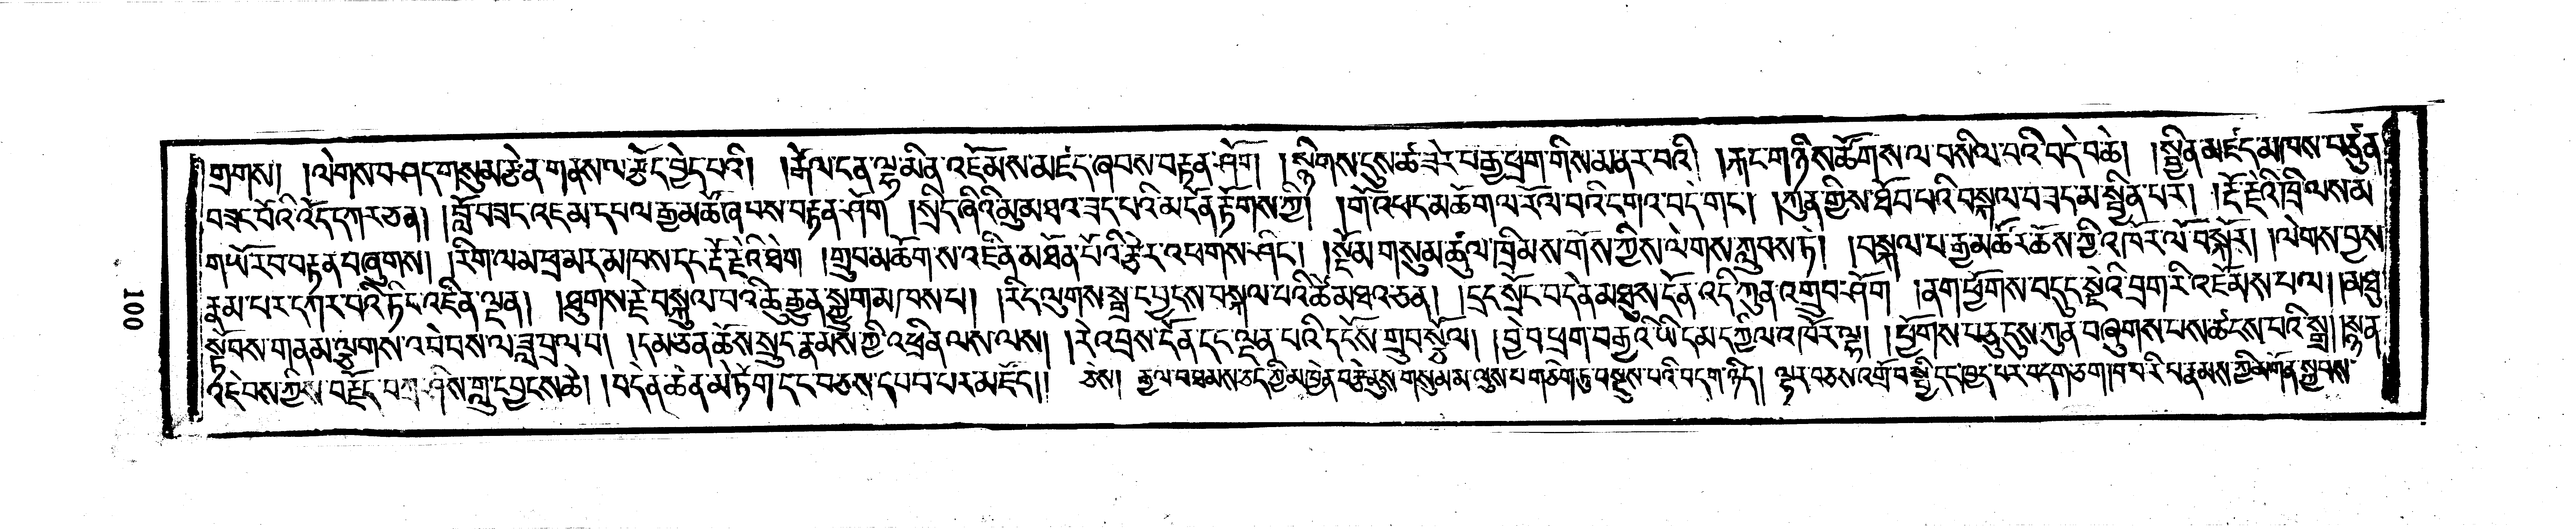གྲགས། །ལེགས་བཤད་གསུམ་རྩེན་གནས་ལ་རྩོད་བྱེད་པའི། །རྒོལ་ངན་ལྷ་མིན་འཇོམས་མཛད་ཞབས་བརྟན་ཤོག །སྙིགས་དུས་ཚ་ཟེར་བརྒྱ་ཕྲག་གིས་མ་ནར་བའི། །རྐང་གཉིས་ཚོགས་ལ་བསིལ་བའི་བདེ་བ་ཆེ། །སྦྱིན་མཛད་མཁས་བཙུན་
བཟང་པོའི་འོད་དཀར་ཅན། །བློ་བཟང་འཇམ་དཔལ་རྒྱ་མཚོ་ཞབས་བརྟན་ཤོག །སྲིད་ཞིའི་མུ་མཐའ་ཟད་པའི་མངོན་རྟོགས་ཀྱི། །གོ་འཕང་མཆོག་ལ་རོལ་བའི་དགའ་བདེ་གང་། །ཀུན་གྱིས་ཐོབ་པའི་བསྐལ་བཟང་མ་སྦྱིན་པར། །རྡོ་རྗེའི་ཁྲི་ལས་མ་
གཡོ་རབ་བརྟན་བཞུགས། །རིག་ལམ་ཕྲ་མར་མཁས་དང་རྡོ་རྗེའི་ཐེག །གྲུབ་མཆོག་ས་འཛིན་མཐོན་པོའི་རྩེར་འཕགས་ཤིང་། །སྡོམ་གསུམ་ཚུལ་ཁྲིམས་གོས་ཀྱིས་ལེགས་ཀླུབས་ཏེ། །བསྐལ་པ་རྒྱ་མཚོར་ཆོས་ཀྱི་འཁོར་ལོ་བསྐོར། །ལེགས་བྱས་
རྣམ་པར་དཀར་བའི་ཏིང་འཛིན་ལྡན། །ཐུགས་རྗེ་བསྐུལ་བའི་ཆུ་རྒྱུན་སྐྱུག་མཁས་པ། །རིང་ལུགས་སྒྲ་དབྱངས་བསྐལ་པའི་ཚེ་མཐའ་ཅན། །དྲང་སྲོང་བདེན་མཐུས་དོན་འདི་ཀུན་འགྲུབ་ཤོག །ནག་ཕྱོགས་བདུད་སྡེའི་བྲག་རི་འཇོམས་པ་ལ། །མཐུ་
སྟོབས་གནམ་ལྕགས་འབེབས་ལ་ཟླ་བྲལ་པ། །དམ་ཅན་ཆོས་སྲུང་རྣམས་ཀྱི་འཕྲིན་ལས་ལས། །རེ་འབྲས་དོན་དང་ལྡན་པའི་དངོས་གྲུབ་སྩོལ། །བྱེ་བ་ཕྲག་བརྒྱའི་ཡི་དམ་དཀྱིལ་འཁོར་ལྷ། །ཕྱོགས་བཅུ་དུས་ཀུན་བཞུགས་པས་ཚངས་པའི་སྒྲ། །སྙན་
འཇེབས་ཀྱིས་བརྗོད་བཀྲ་ཤིས་གླུ་དབྱངས་ཆེ། །བདེན་ཆེན་མེ་ཏོག་དང་བཅས་དབབ་པར་མཛོད། ཅེས། རྒྱལ་བ་ཐམས་ཅད་ཀྱི་མཁྱེན་བརྩེ་ནུས་གསུམ་མ་ལུས་པ་གཅིག་ཏུ་བསྡུས་པའི་བདག་ཉིད། ལྟར་བཅས་འགྲོ་བ་སྤྱི་དང་ཁྱད་པར་བདག་ཅག་ཁ་བ་རི་པ་རྣམས་ཀྱི་མགོན་སྐྱབས་